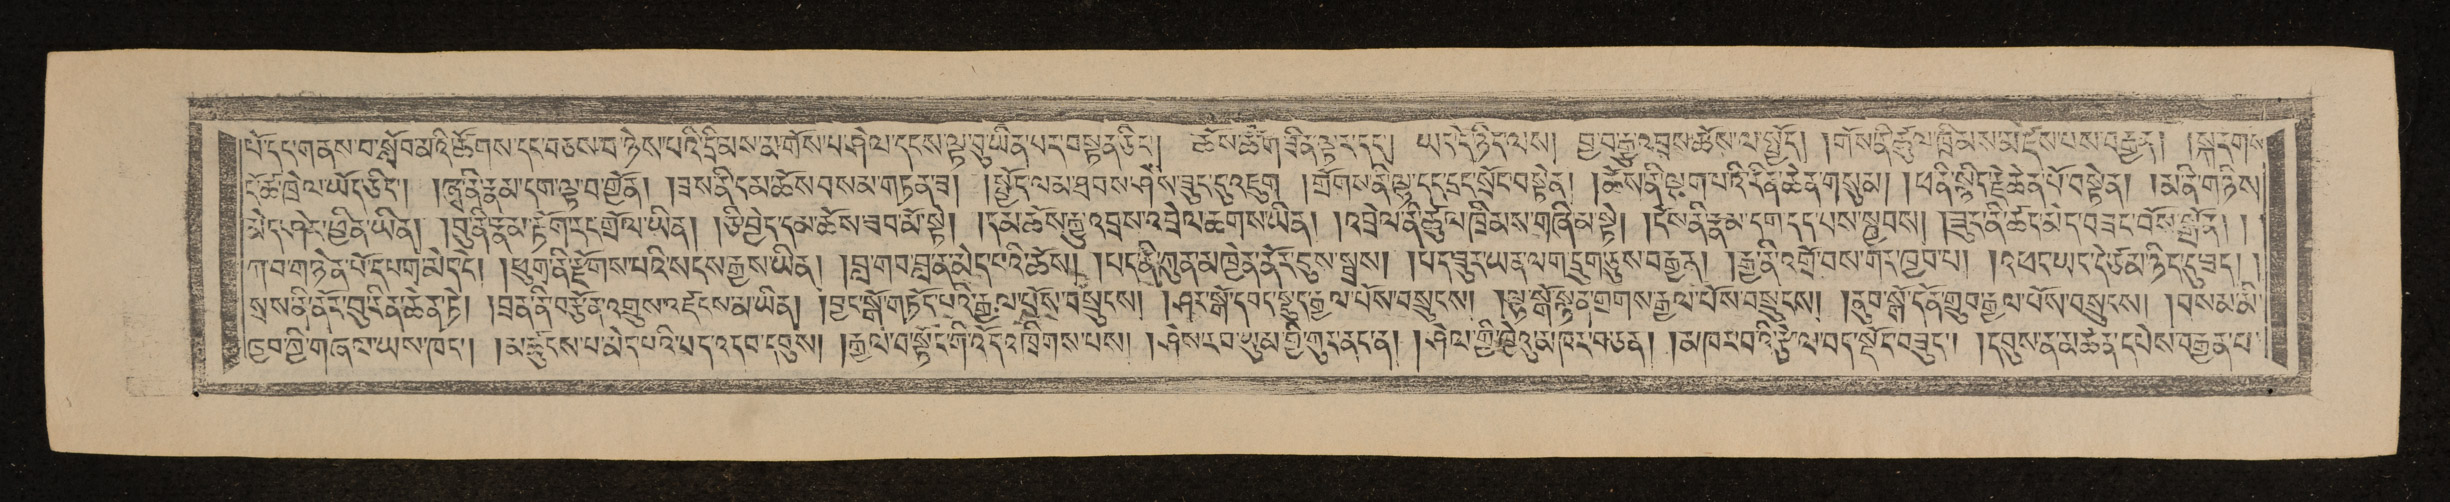པོ་དང་གནས་པ་སློབ་མའི་ཚོགས་དང་བཅས་པ་ཉེས་པའི་དྲི་མས་མ་གོས་པ་ཤེལ་དངས་ལྟ་བུ་ཡིན་པར་བསྟན་ཅིང་། ཆོས་ཚིག་ཟིན་ལྟར་དང་། ཡང་དེ་ཉིད་ལས། བྱ་བ་རྒྱུ་འབྲས་ཆོས་ལ་སྤྱོད། །གོས་ནི་ཚུལ་ཁྲིམས་མཛེས་པས་བརྒྱན། །སྐ་རགས་
ངོ་ཚ་ཁྲེལ་ཡོད་ཅིང་། །ཞྭ་ནི་རྣམ་དག་ལྟ་བ་གྱོན། །ཟས་ནི་དམ་ཆོས་བསམ་གཏན་ཟ། །སྤྱོད་ལམ་ཐབས་ཤེས་ཟུང་དུ་འཇུག །གྲོགས་ནི་ལྷ་དང་དྲང་སྲོང་བསྟེན། །ཆོས་ནི་ལྷག་པའི་རིན་ཆེན་གསུམ། །ཕ་ནི་སྙིང་རྗེ་ཆེན་པོ་བསྟེན། །མ་ནི་གཉིས་
མེད་ཤེར་ཕྱིན་ཡིན། །བུ་ནི་རྣམ་རྟོག་རང་གྲོལ་ཡིན། །ཅི་བྱེད་དམ་ཆོས་ཟབ་མོ་སྟེ། །དམ་ཆོས་རྒྱུ་འབྲས་འབྲེལ་ཆགས་ཡིན། །འབྲེལ་ནི་ཚུལ་ཁྲིམས་གཞི་མ་སྟེ། །ངོས་ནི་རྣམ་དག་དད་པས་སྐྱབས། །ཟུར་ནི་ཚད་མེད་བཟང་པོས་སྒྲོན། །
ཀ་བ་གཉེན་པོ་དཔག་མེད་དེ། །ཕུག་ནི་རྫོགས་པའི་སངས་རྒྱས་ཡིན། །བླ་གབ་བླ་ན་མེད་པའི་ཆོས། །པད་ནི་ཀུན་མཁྱེན་ནོར་བུས་སྤྲས། །པད་ཟུར་ཡན་ལག་དྲུག་ཅུས་བརྒྱན། །རྒྱ་ནི་འགྲོ་བས་གར་ཁྱབ་པ། །འཕང་ཡང་དེ་ཙམ་ཉིད་དུ་ཟད། །
སྲས་ནི་ནོར་བུ་རིན་ཆེན་ཏེ། །བྲན་ནི་བརྩོན་འགྲུས་འཛངས་མ་ཡིན། །བྱང་སྒོ་གཏོང་པའི་རྒྱལ་པོས་བསྲུངས། །ཤར་སྒོ་དབང་སྡུད་རྒྱལ་པོས་བསྲུངས། །ལྷོ་སྒོ་སྙན་གྲགས་རྒྱལ་པོས་བསྲུངས། །ནུབ་སྒོ་དོན་གྲུབ་རྒྱལ་པོས་བསྲུངས། །བསམ་མི་
ཁྱབ་ཀྱི་གཞལ་ཡས་ཁང་། །མཚུངས་པ་མེད་པའི་པད་འདབ་དབུས། །རྒྱལ་བ་སྟོང་གི་འོད་འཁྲིགས་པས། །ཤེས་རབ་ཡུམ་གྱི་གུར་ནང་ན། །ཤེལ་གྱི་ཁྱེའུ་མཁར་བ་ཅན། །མཁར་བའི་རྩེ་ལ་བད་སྡོང་བཟུང་། །དབུས་ན་མཚན་དཔེས་བརྒྱན་པ་